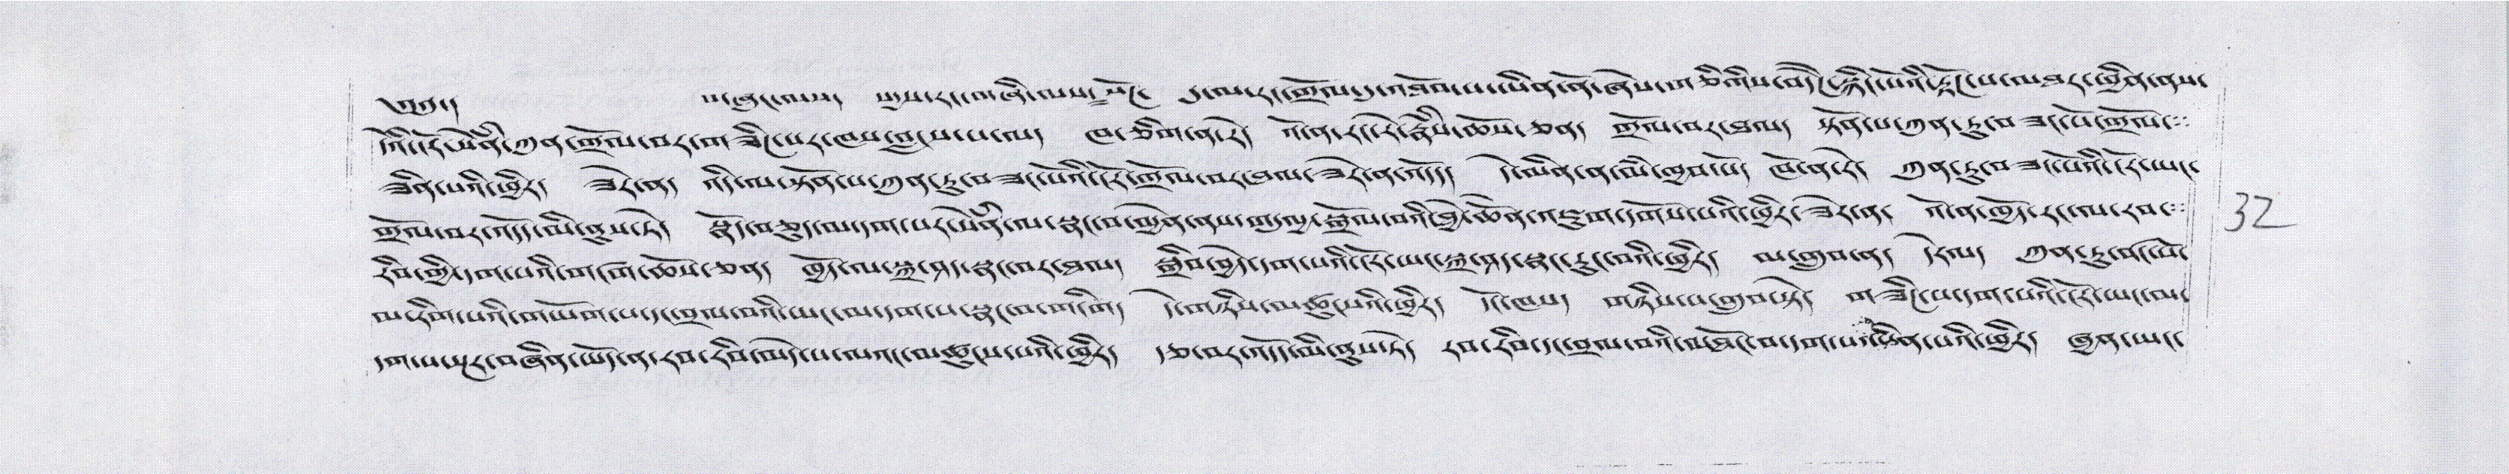གཞུང་ལས། སངས་རྒྱས་རང་གཞི་ལས་སོགས། དུ་མ་རང་གྲོལ་དུ་འཐོབ་པ་ཡིན་ནོ་ཞེས་གཅིག་གིས་བདེར་གཤེགས་སྙིང་པོའི་རྟོགས་པ་མཐར་ཕྱིན་ནས་
དེའི་ངོར་སེམས་ཅན་ཀུན་གྲོལ་བར་གཟིགས་པར་ཁས་བླངས་པ་ལ། ཁ་ཅིག་ན་རེ། འོ་ན་རང་རེ་རྣམས་ཆོས་ཅན། གྲོལ་བར་ཐལ། སྟོན་པ་ཀུན་ཏུ་བཟང་པོ་གྲོལ་
ཟིན་པའི་ཕྱིར། ཟེར་ན་འདི་ལ་སྟོན་པ་ཀུན་ཏུ་བཟང་པོའི་ངོར་གྲོལ་བར་ཐལ་ཟེར་ན་འདོད། དེ་མིན་ན་མི་ཁྱབ་བོ། ཁོ་ན་རེ། ཀུན་ཏུ་བཟང་པོའི་ངོར་ཡང་
གྲོལ་བར་འདོད་མི་ནུས་ཏེ། སྣོད་བཅུད་མ་དག་པར་སེམས་ཅན་ལ་སྣང་བ་མཁྱེན་ནས་གདུལ་བྱ་སྒྲོལ་བའི་ཐུགས་རྗེ་ཆེན་པོ་འཇུག་དགོས་པའི་ཕྱིར་ཟེར་ན། འོ་ན་ཁྱོད་རང་ལ། རབ་
རིབ་ཀྱིས་དག་པའི་གང་ཟག་ཆོས་ཅན། ཁྱོད་ལ་སྐྲ་ཤད་སྣང་བར་ཐལ། སྒྲིབ་བྱེད་དག་པའི་ངོར་ཡང་སྐྲ་ཤད་སྣང་རུང་བའི་ཕྱིར། མ་གྲུབ་ན། དེར་ཐལ། ཀུན་ཏུ་བཟང་པོ་
མ་རིག་པའི་གཡོགས་པ་དང་བྲལ་བའི་ཡང་མ་དག་པའི་སྣང་བ་གང་ཞིག དེ་གཉིས་མཚུངས་པའི་ཕྱིར། དང་པོ་ཁས། གཉིས་པ་གྲུབ་སྟེ། གཟིགས་པ་དག་པའི་ངོར་ཡང་མ་
དག་པ་སྔར་བཞིན་ཡོད་ན་རབ་རིབ་མེད་པ་ལའང་མཚུངས་པའི་ཕྱིར། རྩ་བར་འདོད་མི་ནུས་ཏེ། རབ་རིབ་དང་བྲལ་བའི་མཐོང་བ་དག་པ་ཡིན་པའི་ཕྱིར། གཞན་ཡང་